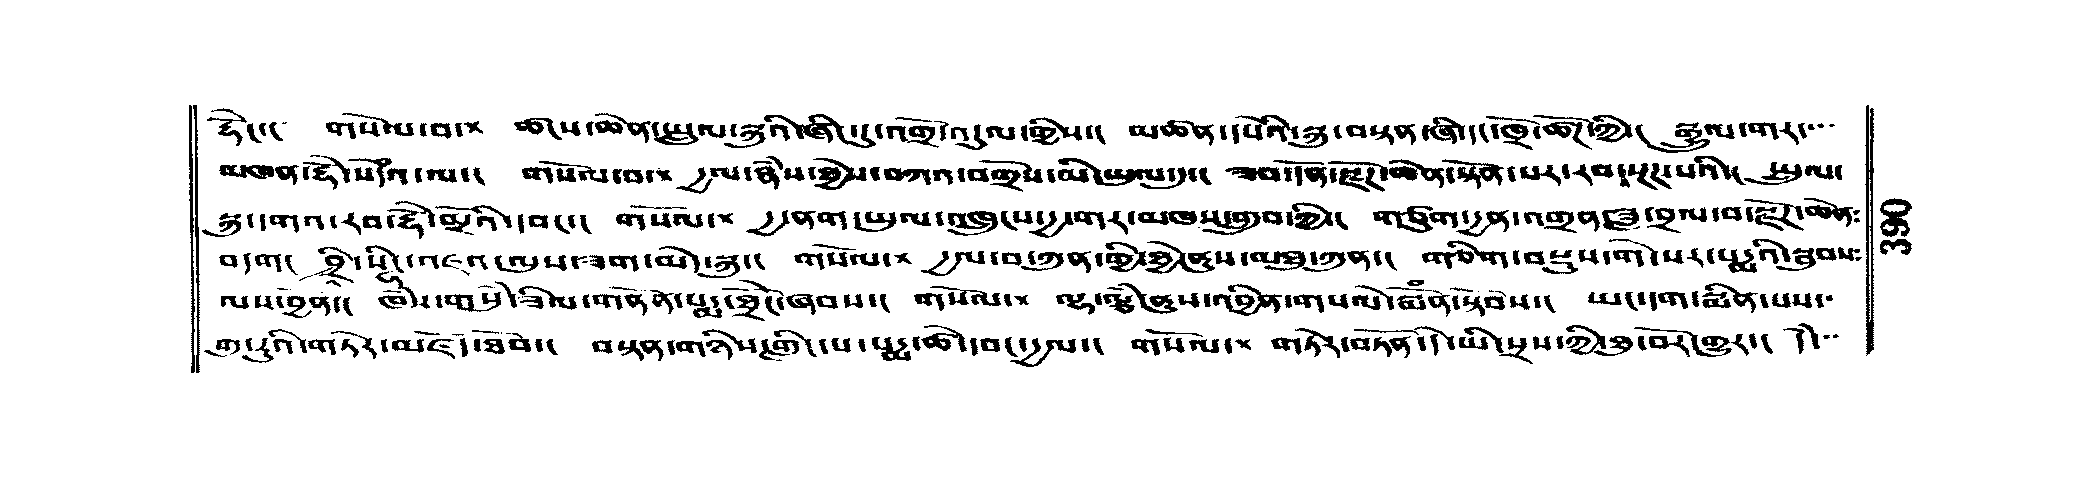རྡོ་རྗེ་འཆང་། །གསོལ་བ༴ །ཚངས་ཆེན་སྤྲུལ་སྐུའི་ཞིང་དུ་འགྲོ་འདུལ་གྱིས། །མཚན་དཔེའི་སྐུ་བསྟན་ཞི་དང་ཁྲོ་ཚོགས་ཀྱི། །སྒྱུ་འཕྲུལ་གར་
མཁན་རྡོ་རྗེ་སེམས་དཔའ་ལ། །གསོལ་བ༴ །རྒྱལ་རྣམས་ཐུགས་རྗེས་བཀའ་བགྲོས་མི་ཡུལ་དུ། །ཟབ་དོན་རྫོགས་ཆེན་སྟོན་པར་རབས་སྔགས་པའི། །སྤྲུལ་
སྐུ་དགའ་རབ་རྡོ་རྗེ་མཁའ་འགྲོའི་དབང་། །གསོལ༴ །རྒྱ་ནག་ཡུལ་འཁྲུངས་རྒྱ་གར་མཁས་གྲུབ་ཀྱི། །གཙུག་རྒྱན་འགྲན་ཟླ་བྲལ་བ་རྫོགས་ཆེན་
བདག །ཤྲཱི་སིངྷ་འཇའ་ལུས་ཟག་མེད་སྐུ། །གསོལ༴ །རྒྱལ་བ་ཀུན་གྱི་ཐུགས་རྗེ་ནུས་མཐུ་ཀུན། །གཅིག་བསྡུས་གེ་སར་པདྨའི་སྦུབས་
ལས་བྱོན། །ཁམས་གསུམ་ཟིལ་གནོན་པདྨ་ཐོད་ཕྲེང་ཞབས། །གསོལ༴ །ལྷ་ལྕམ་ནུས་འབྱིན་གསལ་ལེ་སྨོན་ལམ་སྟོབས། །ཡང་དག་སྨིན་པས་
གུ་རུའི་གཏེར་མཛོད་ཐོབ། །བསྟན་གཉིས་གླིང་པ་པདྨ་ཚེ་དབང་རྒྱལ། །གསོལ༴ །གཏེར་གཏོན་དེ་ཡི་སྲས་ཀྱི་ཐུ་བོར་གྱུར། །དམ་